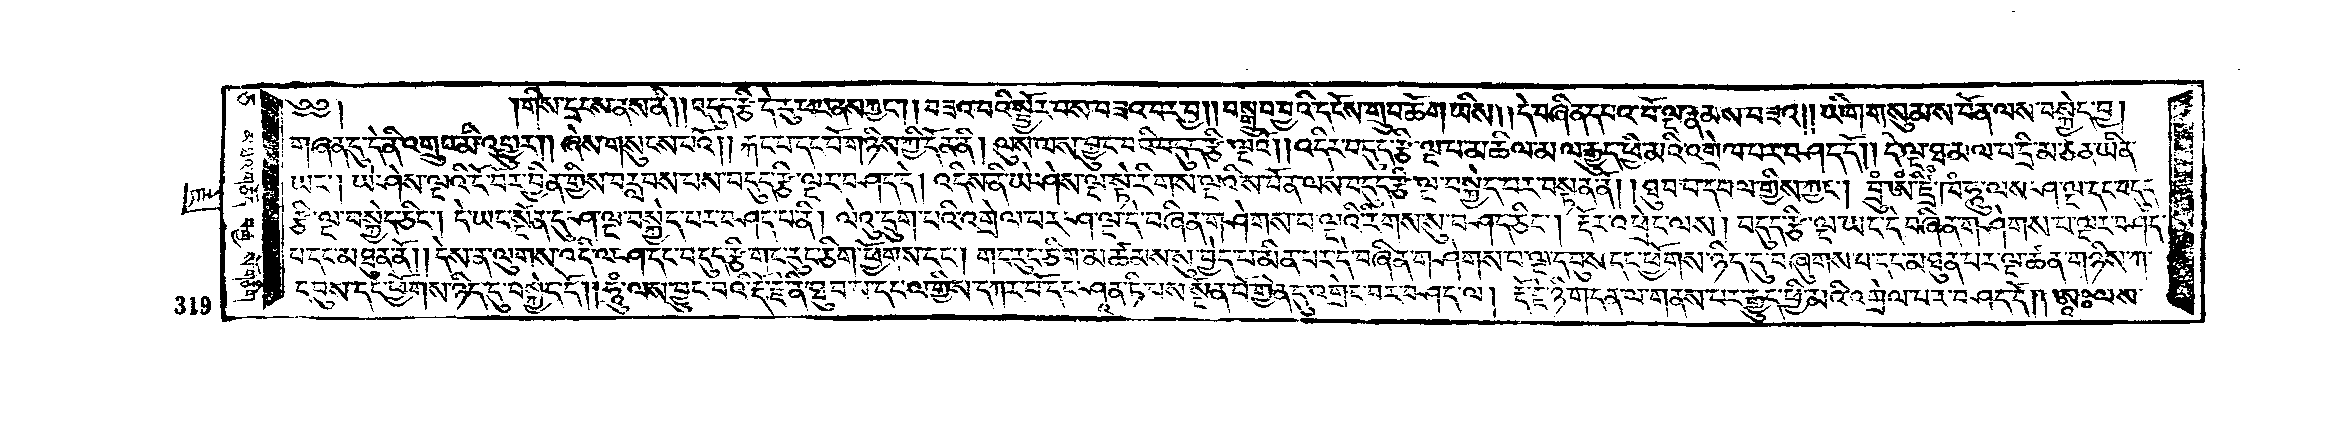༄༅། །གིས་དྲངས་ནས་ནི། །བདུད་རྩི་དེ་རུ་ཕབ་ནས་ཀྱང་། །བཟའ་བའི་སྦྱོར་བས་བཟའ་བར་བྱ། །བསྒྲུབ་བྱའི་དངོས་གྲུབ་ཆོ་ག་ཡིས། །དེ་བཞིན་དཔའ་བོ་ལྔ་རྣམས་བཟའ། །ཡིག་གསུམ་ས་བོན་ལས་བསྐྱེད་བྱ།
གཞན་དུ་དེ་ནི་འགྲུབ་མི་འགྱུར། །ཞེས་གསུངས་པའོ། །རྐང་པ་དང་པོ་གཉིས་ཀྱི་དོན་ནི། ལུས་ལས་བྱུང་བའི་བདུད་རྩི་ལྔའོ། །འདིར་བདུད་རྩི་ལྔ་པ་མཆིལ་མ་ལ་རྒྱུད་ཕྱི་མའི་འགྲེལ་པར་བཤད་དོ། །དེ་ལྔ་ཐ་མལ་པ་དྲི་མ་ཅན་ཡིན་
ཡང་། ཡེ་ཤེས་ལྔའི་ངོ་བོར་བྱིན་གྱིས་བརླབས་པས་བདུད་རྩི་ལྔར་བཤད་དེ། འདིས་ནི་ཡེ་ཤེས་ལྔ་སྟེ་རིགས་ལྔའི་ས་བོན་ལས་བདུད་རྩི་ལྔ་བསྐྱེད་པར་བསྟན་ནོ། །ཐུབ་པ་དཔལ་གྱིས་ཀྱང་། བྲུཾ་ཨཾ་ཛྲིཾ་ཁཾ་ཧཱུཾ་ལས་ཤ་ལྔ་དང་བདུད་
རྩི་ལྔ་བསྐྱེད་ཅིང་། དེ་ཡང་སྔོན་དུ་ཤ་ལྔ་བསྐྱེད་པར་བཤད་པ་ནི། ལེའུ་དྲུག་པའི་འགྲེལ་པར་ཤ་ལྔ་དེ་བཞིན་གཤེགས་པ་ལྔའི་རིགས་སུ་བཤད་ཅིང་། རྡོར་འཕྲེང་ལས། བདུད་རྩི་ལྔ་ཡང་དེ་བཞིན་གཤེགས་པ་ལྔར་བཤད་
པ་དང་མཐུན་ནོ། །དེས་ན་ལུགས་འདི་ལ་ཤ་དང་བདུད་རྩི་གང་རུང་ཅིག་ཕྱོགས་དང་། གང་རུང་ཅིག་མཚམས་སུ་བྱེད་པ་མིན་པར་དེ་བཞིན་གཤེགས་པ་ལྔ་དབུས་དང་ཕྱོགས་ཉིད་དུ་བཞུགས་པ་དང་མཐུན་པར་ལྔ་ཚན་གཉིས་ཀ་
དབུས་དང་ཕྱོགས་ཉིད་དུ་བསྐྱེད་དོ། །ཧཱུཾ་ལས་བྱུང་བའི་རྡོ་རྗེ་ནི་ཐུབ་པ་དཔལ་གྱིས་དཀར་པོ་དང་ཤཱན་ཏི་པས་སྔོན་པོ་གྱེན་དུ་འགྲེང་བར་བཤད་ལ། རྡོ་རྗེ་ཉི་གདན་ལ་གནས་པར་རྒྱུད་ཕྱི་མའི་འགྲེལ་པར་བཤད་དོ། །ཨཱཿ ལས་